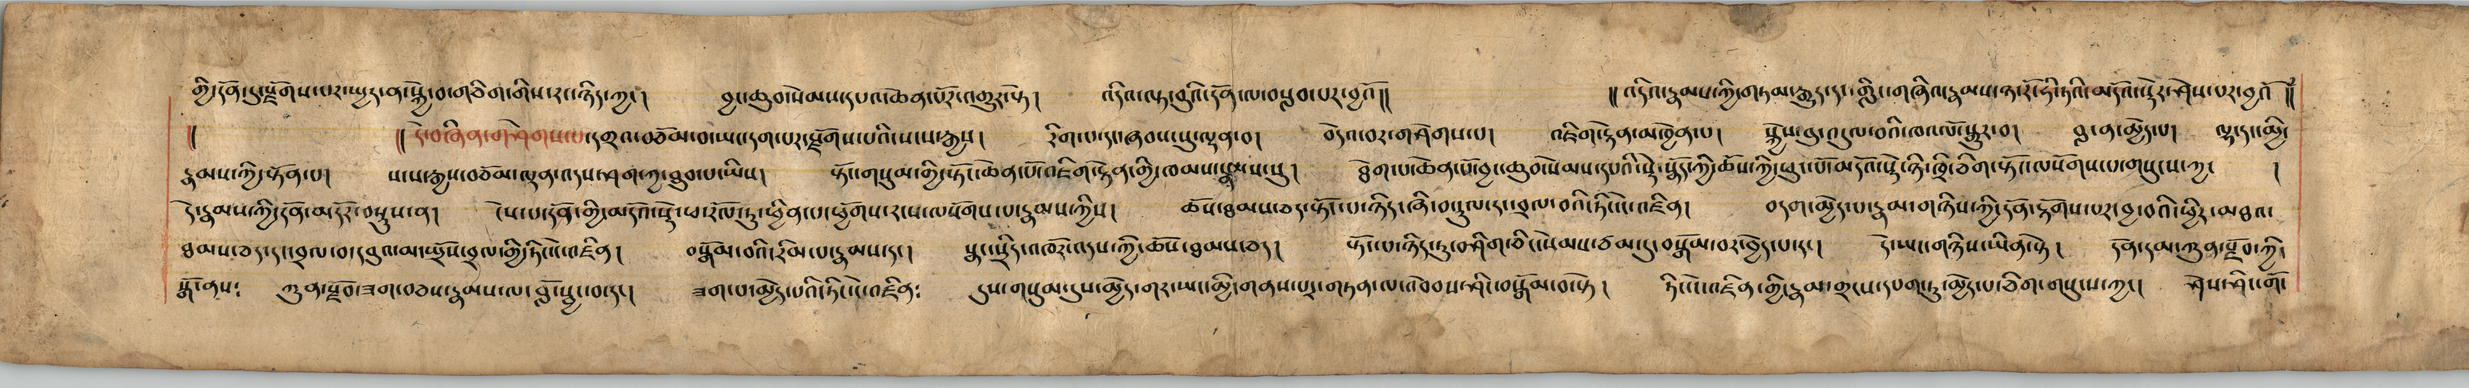གྱི་དོན་དུ་སྫོགས་པར་སྤྱད་ན་སྐྱེ་བ་གཅིག་གིས་རང་ཉིད་ཀྱང། བྱང་ཆུབ་སེམས་དཔའ་ཆེན་པོར་འགྱུར་སྟེ། འདིའ་ལྟ་བུའི་དོན་ལ་བསླབ་པར་བྱའོ།། །།འདིའ་རྣམས་ཀྱི་གཏམ་རྒྱུད་དང་གླིང་གཞིའ་རྣམས་ཉ་རོ་ཧི་ཏའི་མདོའ་སྡེར་ཤེས་པར་བྱའོ །།
།། དེ་བཞིན་གཤེགས་པདགྲའ་བཅོམ་བ་ཡང་དག་པར་སྫོགས་པའི་སངས་རྒྱས། རིག་པ་དང་ཞབས་སུ་ལྡན་བ། བདེའ་བར་གཤེགས་པ། འཇིག་རྟེན་མཁྱེན་པ། སྐྱེས་བུ་འདུལ་བའི་ཁ་ལོ་སྒྱུར་བ། བླ་ན་མྱེད་པ། ལྷ་དང་མྱི་
རྣམས་ཀྱི་སྟོན་པ། སངས་རྒྱས་བཅོམ་ལྡན་འདས་ཤག་ཀྱ་ཐུབ་པ་ཡིས། སྟོང་གསུམ་གྱི་སྟོང་ཆེན་པོ་འཇིག་རྟེན་གྱི་ཁམས་རྣམས་སུ། ཐེག་པ་ཆེན་པོ་བྱང་ཆུབ་སེམས་དཔའི་སྡེ་སྣོད་ཀྱི་ཆོས་ཀྱི་ཕུང་པོ་མདོའ་སྡེ་ཉི་ཁྲི་ཅིག་སྟོང་ལསོགས་པ་གསུངས་ཀྱང
དེ་རྣམས་ཀྱི་དོན་མདོར་བསྡུས་ན། ངེས་པ་དོན་གྱི་མདོའ་སྡེ་ཕ་རོལ་ཏུ་ཕྱིན་པ་ཕྱོགས་རངས་ལསོགས་པ་རྣམས་ཀྱིས། ཆོས་ཐམས་ཅད་སྟོང་པ་ཉིད་ཞི་བ་རྡུལ་དང་བྲལ་བའི་ཏིང་ངེ་འཛིན། བདག་མྱེད་པ་རྣམ་གཉིས་ཀྱི་དོན་རྟོགས་པར་བྱ་བའི་ཕྱིར་མཐའ་
ཐམས་ཅད་དང་བྲལ་བ་དབུའ་མ་སྤྲོས་བྲལ་གྱི་ཏིང་ངེ་འཛིན། བསྒོམ་བའི་རིམ་པ་རྣམས་དང། སྣང་སྲིད་འཁོར་འདས་ཀྱི་ཆོས་ཐམས་ཅད། སྟོང་པ་ཉིད་དུ་བཤིག་ཅིང་སེམས་ཙམ་དུ་བསྒོམ་བར་བྱེད་པ་དང། དེ་ཡང་གཉིས་ཡིན་སྟེ། དོན་དམ་ཀུན་སྫོབ་ཀྱི་
སྒོ་ནས༴ ཀུན་སྫོབ་ཟག་བཅས་རྣམས་ལ་བློ་སྦྱོང་བ་དང། ཟག་པ་མྱེད་པའི་ཏིང་ངེ་འཛིན༴ དུས་གསུམ་དུས་མྱེད་གར་ཡང་མྱི་གནས་པར་གཏན་ལ་འབེབས་ཤིང་བསྒོམ་བ་སྟེ། ཏིང་ངེ་འཛིན་གྱི་རྣམ་གྲངས་དཔག་ཏུ་མྱེད་པ་ཅིག་གསུངས་ཀྱང། ཤེས་ཤིང་གོ་